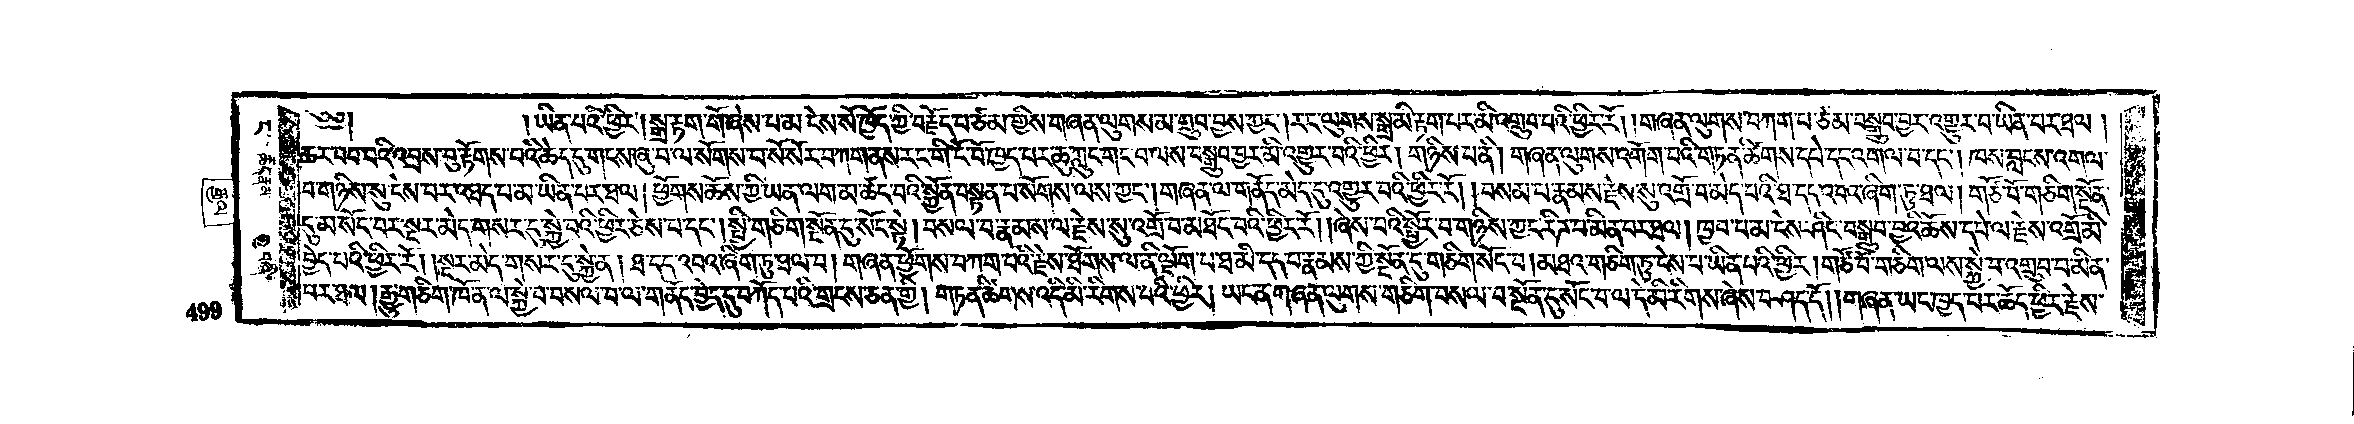༄༅། །ཡིན་པའི་ཕྱིར། སྒྲ་རྟག་གོ་ཞེས་པ་མ་ངེས་སོ་ཁྱོད་ཀྱི་བརྗོད་པ་ཙམ་གྱིས་གཞན་ལུགས་མ་གྲུབ་བྱས་ཀྱང་། རང་ལུགས་སྒྲ་མི་རྟག་པར་མི་འགྲུབ་པའི་ཕྱིར་རོ། །གཞན་ལུགས་བཀག་པ་ཙམ་བསྒྲུབ་བྱར་འགྱུར་བ་ཡིན་པར་ཐལ།
ཆར་བབ་པའི་འབྲས་བུ་རྟོགས་པའི་ཆེད་དུ་གངས་ཞུ་བ་ལ་སོགས་པ་སོ་སོར་བཀག་ནས་རང་གི་ངོ་བོ་ཁྱད་པར་ཆུ་ཀླུང་གང་བ་ལས་བསྒྲུབ་བྱར་མི་འགྱུར་བའི་ཕྱིར། གཉིས་པ་ནི། གཞན་ལུགས་འགོག་པའི་གཏན་ཚིགས་དཔེ་དང་འགལ་བ་དང་། ཁས་བླངས་འགལ་
བ་གཉིས་སུ་ངེས་པར་འཐད་པ་མ་ཡིན་པར་ཐལ། ཕྱོགས་ཆོས་ཀྱི་ཡན་ལག་མ་ཚང་བའི་སྐྱོན་བསྟན་པ་སོགས་ལས་ཀྱང་། གཞན་ལ་གནོད་མེད་དུ་འགྱུར་བའི་ཕྱིར་རོ། །བསམ་པ་རྣམས་རྗེས་སུ་འགྲོ་བ་མེད་པའི་ཐ་དད་འབའ་ཞིག་ཏུ་ཐལ། གཙོ་བོ་གཅིག་སྔོན་
དུ་མ་སོང་བར་སྔར་མེད་གསར་དུ་སྐྱེ་བའི་ཕྱིར་ཅེས་པ་དང་། སྤྱི་གཅིག་སྔོན་དུ་སོང་སྟེ། བསལ་བ་རྣམས་ལ་རྗེས་སུ་འགྲོ་བ་མཐོང་བའི་ཕྱིར་རོ། །ཞེས་པའི་སྦྱོར་བ་གཉིས་ཀྱང་རིགས་པ་མིན་པར་ཐལ། ཁྱབ་པ་མ་ངེས་ཤིང་བསྒྲུབ་བྱའི་ཆོས་དཔེ་ལ་རྗེས་འགྲོ་མི་
བྱེད་པའི་ཕྱིར་རོ། །སྔར་མེད་གསར་དུ་སྐྱེ་ན། ཐ་དད་འབའ་ཞིག་ཏུ་ཐལ་བ། གཞན་ཕྱོགས་བཀག་པའི་རྗེས་ཐོགས་ལ་ནི་ལྡོག་པ་ཐ་མི་དད་པ་རྣམས་ཀྱི་སྔོན་དུ་གཅིག་སོང་བ། མཐའ་གཅིག་ཏུ་ངེས་པ་ཡིན་པའི་ཕྱིར། གཙོ་བོ་གཅིག་ལས་སྐྱེ་བ་འགྲུབ་པ་མིན་
པར་ཐལ། རྒྱུ་གཅིག་ཁོ་ན་ལ་སྐྱེ་བ་བསལ་བ་ལ་གནོད་བྱེད་དུ་བཀོད་པའི་གྲངས་ཅན་གྱི་།གཏན་ཚིགས་འདི་མི་རིགས་པའི་ཕྱིར། ཡང་ན་གཞན་ལུགས་གཅིག་བསལ་བ་སྔོན་དུ་སོང་བ་ལ་དེ་མི་རིགས་ཞེས་བཤད་དོ། །གཞན་ཡང་ཁྱད་པར་ཆོད་ཕྱིར་རྗེས་